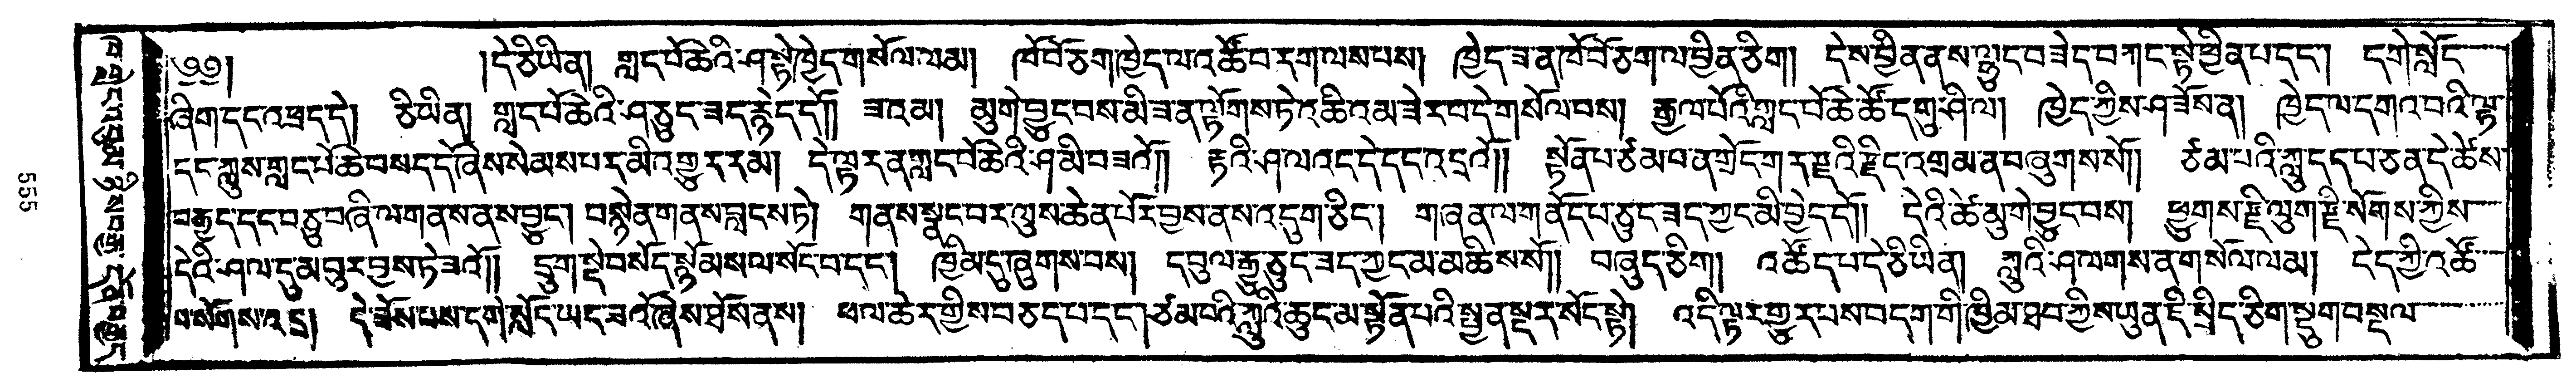༄༅། །དེ་ཅི་ཡིན། གླང་པོ་ཆེའི་ཤ་སྟེ་ཁྱེད་གསོལ་ལམ། ཁོ་བོ་ཅག་ཁྱེད་ལ་འཚོ་བ་དག་ལས་པས། ཁྱེད་ཟ་ན་ཁོ་བོ་ཅག་ལ་བྱིན་ཅིག །དེས་བྱིན་ནས་ལྷུང་བཟེད་བཀང་སྟེ་ཕྱིན་པ་དང་། དགེ་སློང་
ཞིག་དང་འཕྲད་དེ། ཅི་ཡིན། གླང་པོ་ཆེའི་ཤ་ཅུང་ཟད་རྙེད་དོ།། ཟ་འམ། མུ་གེ་བྱུང་བས་མི་ཟན་ལྟོགས་ཏེ་འཆི་འམ་ཟེར་བ་དེ་གསོལ་བས། རྒྱལ་པོའི་གླང་པོ་ཆེ་ཚོ་དགུ་ཤི་ལ། ཁྱེད་ཀྱིས་ཤ་ཟོས་ན། ཁྱེད་ལ་དགའ་བའི་ལྷ་
དང་ཀླུས་གླང་པོ་ཆེ་བསད་དོ་ཞེས་སེམས་པར་མི་འགྱུར་རམ། དེ་ལྟར་ན་གླང་པོ་ཆེའི་ཤ་མི་བཟའོ། །རྟའི་ཤ་ལའང་དེ་དང་འདྲའོ།། སྟོན་པ་ཙམ་པ་ན་གྲོང་གར་རྫའི་རྫིང་འགྲམ་ན་བཞུགས་སོ།། ཙམ་པའི་ཀླུ་དད་པ་ཅན་དེ་ཚེས་
བརྒྱད་དང་བཅུ་བཞི་ལ་གནས་ནས་བྱུང་། བསྙེན་གནས་བླངས་ཏེ། གནས་སྣང་བར་ལུས་ཆེན་པོར་བྱས་ནས་འདུག་ཅིང་། གཞན་ལ་གནོད་པ་ཅུང་ཟད་ཀྱང་མི་བྱེད་དོ།། དེའི་ཚེ་མུ་གེ་བྱུང་བས། ཕྱུགས་རྫི་ལུག་རྫི་སོགས་ཀྱིས་
དེའི་ཤལ་དུ་མ་བུར་བྱས་ཏེ་ཟའོ།། དྲུག་སྡེ་བསོད་སྙོམས་ལ་སོང་བ་དང་། ཁྱིམ་དུ་ཞུགས་པས། དབུལ་རྒྱུ་ཅུང་ཟད་ཀྱང་མ་མཆིས་སོ། །བཞུད་ཅིག། འཚོད་པ་དེ་ཅི་ཡིན། ཀླུའི་ཤ་ལགས་ན་གསོལ་ལམ། ངེད་ཀྱི་འཚོ་
བ་སོགས་འདྲ། དེ་ཟོས་པས་དགེ་སློང་ཡང་ཟའོ་ཞེས་ཐོས་ནས། ཕལ་ཆེར་གྱིས་བཅད་པ་དང་། ཙམ་པའི་ཀླུའི་ཆུང་མ་སྟོན་པའི་སྤྱན་སྔར་སོང་སྟེ། འདི་ལྟར་གྱུར་པས་བདག་གི་ཁྱིམ་ཐབ་ཀྱིས་ཡུན་ཇི་སྲིད་ཅིག་སྡུག་བསྔལ་